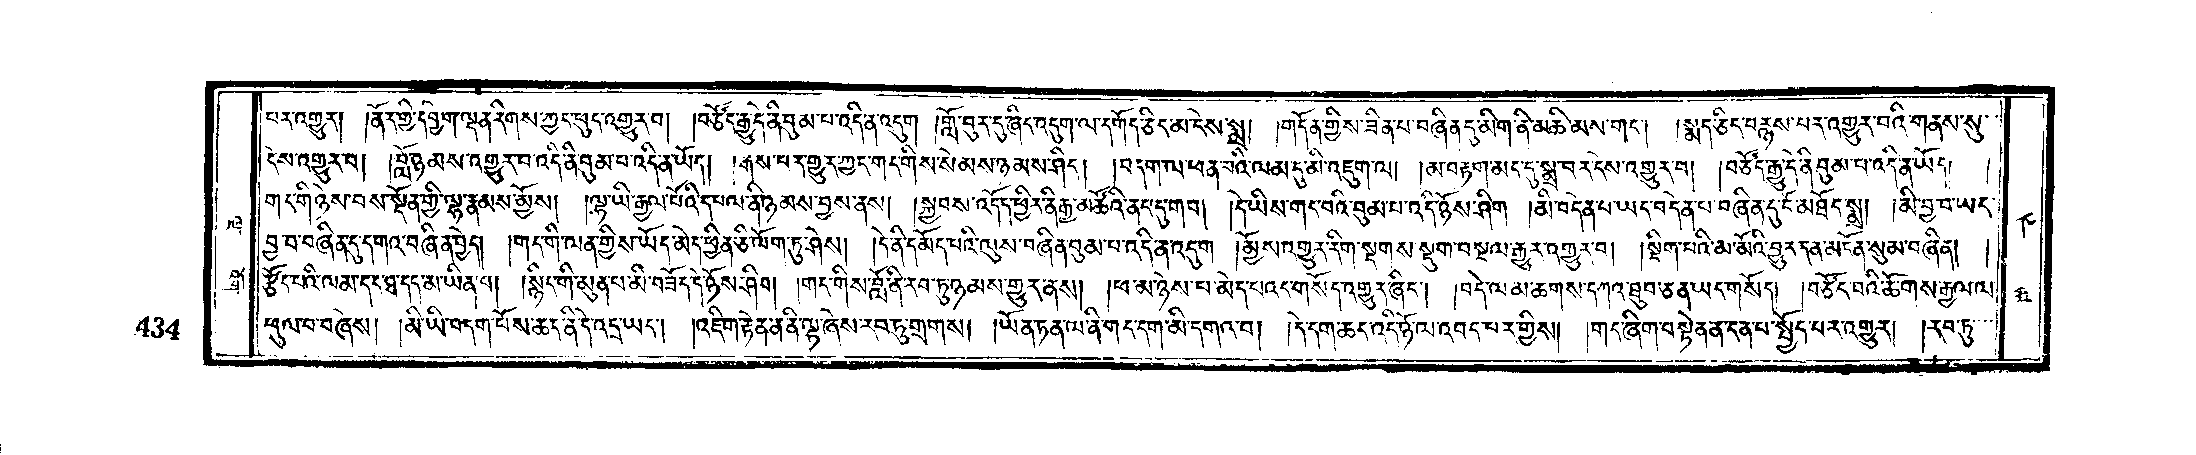པར་འགྱུར། །ནོར་གྱི་དབྱིག་ལྡན་རིགས་ཀྱང་ཕུང་འགྱུར་བ། །བཙོང་རྒྱུ་དེ་ནི་བུམ་པ་འདི་ན་འདུག །གློ་བུར་དུ་ཞིང་འདུག་ལ་དགོད་ཅིང་མ་ངེས་སྨྲ། །གདོན་གྱིས་ཟིན་པ་བཞིན་དུ་མིག་ནི་མཆི་མས་གང་། །སྨད་ཅིང་བརྙས་པར་འགྱུར་བའི་གནས་སུ་
ངེས་འགྱུར་བ། །བློ་ཉམས་འགྱུར་བ་འདི་ནི་བུམ་པ་འདི་ན་ཡོད། །རྒས་པར་གྱུར་ཀྱང་གང་གིས་སེམས་ཉམས་ཤིང་། །བདག་ལ་ཕན་པའི་ལམ་དུ་མི་འཇུག་ལ། །མ་བརྟག་མང་དུ་སྨྲ་བར་ངེས་འགྱུར་བ། །བཙོང་རྒྱུ་དེ་ནི་བུམ་པ་འདི་ན་ཡོད། །
གང་གི་ཉེས་བས་སྔོན་གྱི་ལྷ་རྣམས་མྱོས། །ལྷ་ཡི་རྒྱལ་པོའི་དཔལ་ནི་ཉམས་བྱས་ནས། །སྐྱབས་འདོད་ཕྱིར་ནི་རྒྱ་མཚོའི་ནང་དུ་གབ། །དེ་ཡིས་གང་བའི་བུམ་པ་འདི་ཉོས་ཤིག །མི་བདེན་པ་ཡང་བདེན་པ་བཞིན་དུ་ངོ་མཐོང་སྨྲ། །མི་བྱ་བ་ཡང་
བྱ་བ་བཞིན་དུ་དགའ་བཞིན་བྱེད། །གང་གི་ལན་གྱིས་ཡོད་མེད་ཕྱིན་ཅི་ལོག་ཏུ་ཤེས། །དེ་ནི་དམོད་པའི་ལུས་བཞིན་བུམ་པ་འདི་ན་འདུག །མྱོས་འགྱུར་རིག་སྔགས་སྡུག་བསྔལ་རྒྱུར་འགྱུར་བ། །སྡིག་པའི་མ་མོའི་བྱུར་ངན་མངོན་སུམ་བཞིན། །
རྩོང་པའི་ལམ་དང་ཐ་དད་མ་ཡིན་པ། །སྙིང་གི་མུན་པ་མི་བཟོད་དེ་ཉོས་ཤིག །གང་གིས་བློ་ནི་རབ་ཏུ་ཉམས་གྱུར་ནས། །ཕ་མ་ཉེས་པ་མེད་པའང་གསོད་འགྱུར་ཞིང་། །བདེ་ལ་མ་ཆགས་དཀའ་ཐུབ་ཅན་ཡང་གསོད། །བཙོང་བའི་ཆོ་གས་རྒྱལ་ལ་
ཕུལ་བ་བཞེས། །མི་ཡི་བདག་པོས་ཆང་ནི་དེ་འདྲ་ཡང་། །འཇིག་རྟེན་ན་ནི་ལྷ་ཞེས་རབ་ཏུ་གྲགས། །ཡོན་ཏན་ལ་ནི་གང་དག་མི་དགའ་བ། །དེ་དག་ཆང་འདི་ཉོ་ལ་འབད་པར་གྱིས། །གང་ཞིག་བསྟེན་ན་ངན་པ་སྤྱོད་པར་འགྱུར། །རབ་ཏུ་